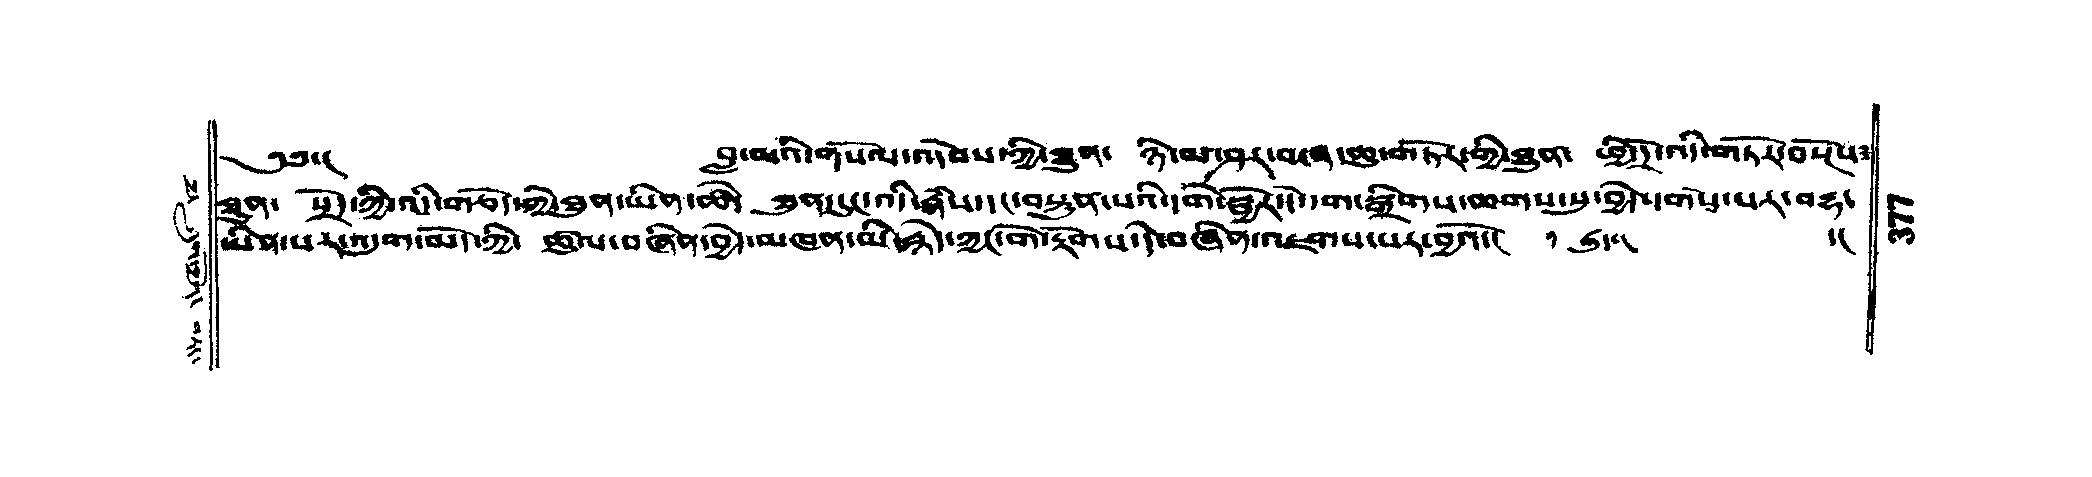བླ་མའི་གསོལ་འདེབས་ཀྱི་ཐུན། ཉི་མ་ཤར་བ་ན་ཆུ་གཏོར་གྱི་ཐུན། ཕྱི་དྲོ་འདི་གཏོར་བསྔོས་
ཐུན། སྲོད་ཀྱི་འདི་གཅོད་ཀྱི་ཐུན་ཡིན་ཚེ། ཐུན་དུང་འདི་རྣམས་དང་བསྟུན་པའི་དགེ་སྦྱོར་དེ་དག་སྒྲིགས་ཆགས་སུ་བྱེད་དགོས་པར་བརྡ་
ཡིན་པར་འདུག་མོད་ཀྱི། ཚུལ་བཞིན་བྱེད་མཁན་མི་རྙེད་ཀྱང་གོ་རྟོགས་དེ་བཞིན་འཇགས་པར་བྱའོ།།